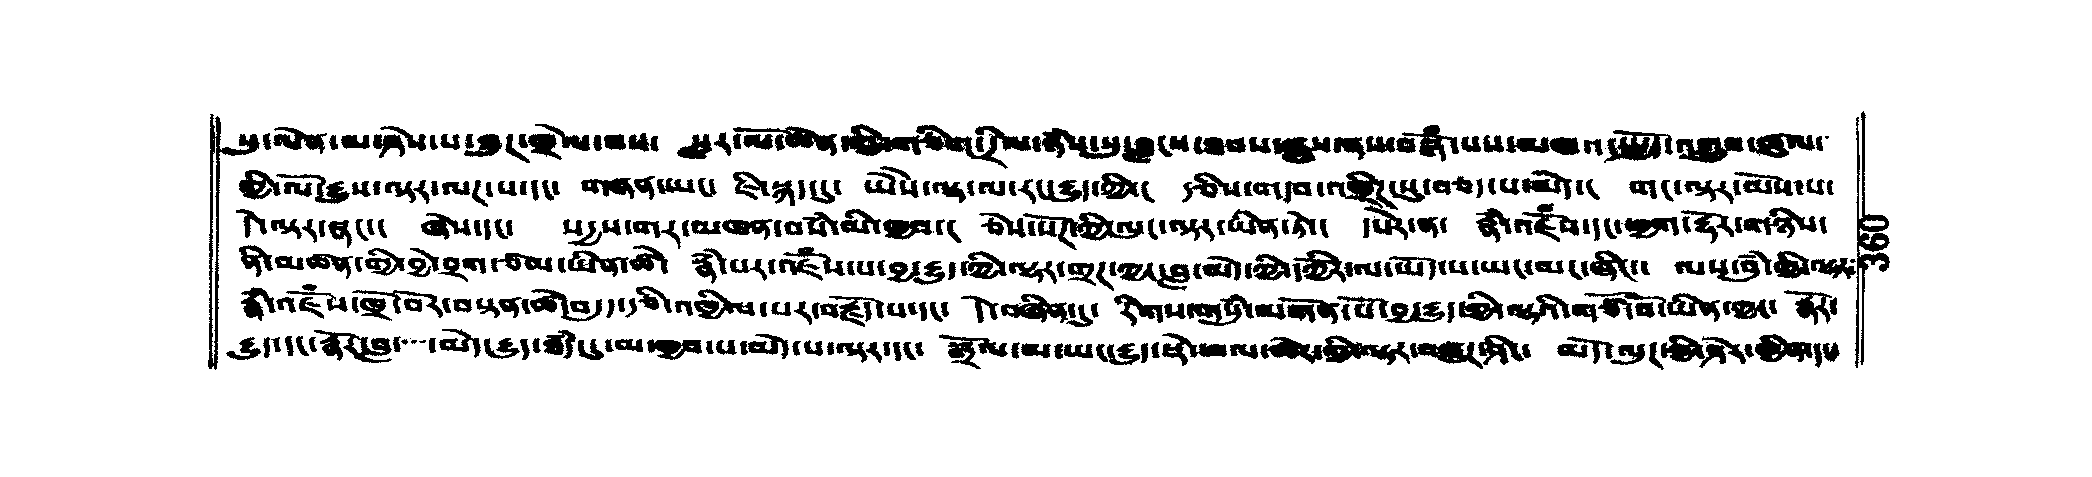སུ་ལེན་མ་ཤེས་པ་ཐུགས་ཁྲིལ་བས། སླར་ལོ་ཆེན་གྱི་གཅིག་དྲིལ་ཉམས་སུ་བླངས་ཐབས་ཞུས་ནས་བསྒོམ་པས་མཁའ་སྤྱོད་འགྲུབ་ཚུལ་
གྱི་ལོ་རྒྱུས་ལྟར་ལགས་པ་དང་། གཞན་ཡང་། ཇི་སྐད་དུ། ཡེ་ཤེས་ལྷ་ལ་རང་རྒྱུད་ཀྱི། །རྩིས་གདབ་འགྲིགས་སུ་བཅད་པ་མེད། །གང་ལྟར་མོས་པ་
དེ་ལྟར་སྣང་། ཞེས་དང་། སངས་རྒྱས་གར་མཁན་བསམ་མི་ཁྱབ། ཅེས་སོགས་ཀྱི་ལུང་ལྟར་ཡིན་ཏེ། དཔེར་ན། རྣམ་འཇོམས་དང་ཕྱག་རྡོར་གཉིས་
ནི་མཚན་གྱི་བྱེ་བྲག་ཙམ་ཡིན་ཚེ། རྣམ་པར་འཇོམས་པ་བྱ་རྒྱུད་ཀྱི་ལྷར་གྲགས་ཀྱང་བླ་མེད་ཀྱི་དཀྱིལ་འཁོར་ལ་ཡོད་པ་ཡང་མང་ཞིང་། ལས་བུམ་གྱི་ལྷར་
རྣམ་འཇོམས་ཁྲོ་བོར་བསྟན་ཚེ་བདུད་རྩི་འཁྱིལ་པར་བརྗོད་པ་དང་། དེ་བཞིན་དུ། རིགས་གསུམ་མགོན་པོ་བྱ་རྒྱུད་ཀྱི་ལྷའི་གཙོ་བོ་ཡིན་ཀྱང་། རྣལ་འབྱོར་
རྒྱུད་དང་རྣལ་འབྱོར་བླ་མེད་རྒྱུད་ཐམས་ཅད་དུ་མ་ཁྱབ་པ་མེད་པ་ལྟར་དང་།སྒྲོལ་མ་ཡང་རྒྱུད་སྡེ་ཕལ་ཆེར་གྱི་ལྷར་བཞུགས་ཤིང་། མདོ་ལུགས་ཀྱི་ཤེར་ཕྱིན་དང་